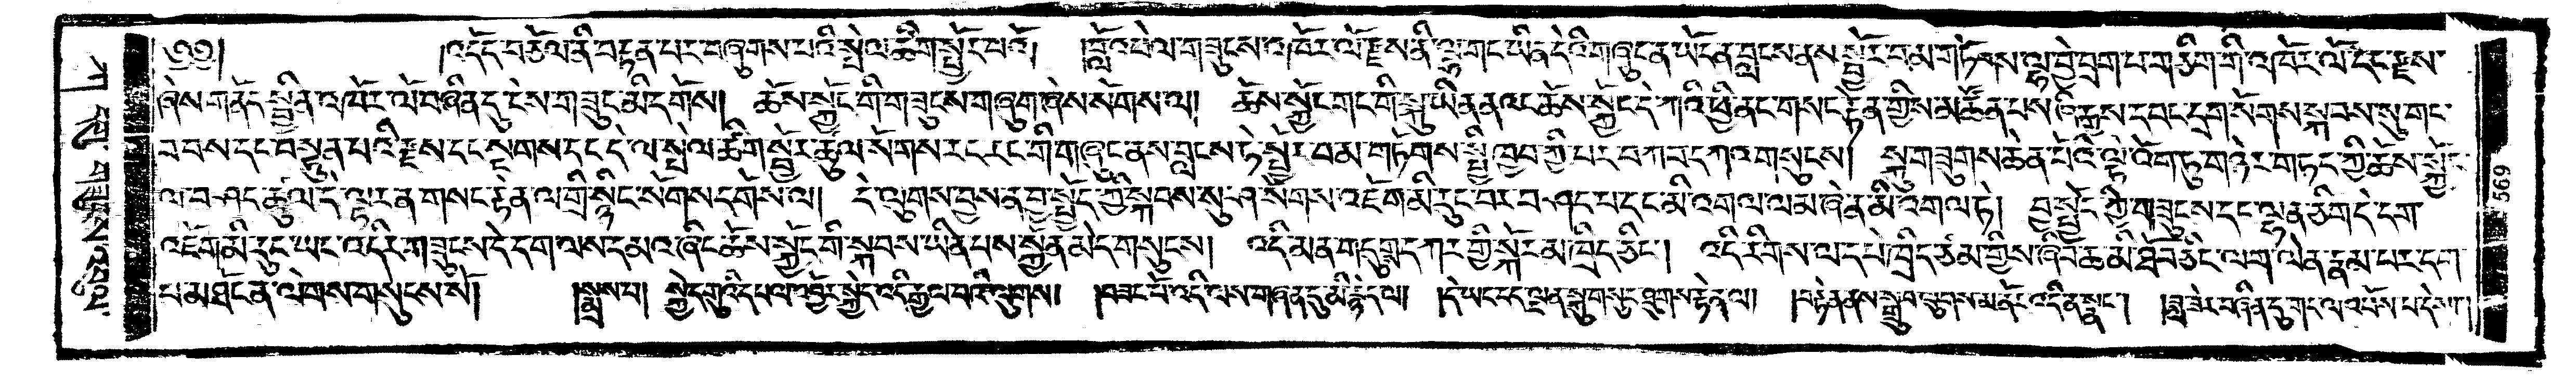༄༅། །འདོད་བཅོལ་ནི་བརྟན་པར་བཞུགས་པའི་སྤེལ་ཚིག་སྤྱོར་ལའོ། །བློ་འབེལ་གཟུངས་འཁོར་ལོ་རྫས་ནི་ལྷ་གང་ཡིན་དེའི་གཞུང་ན་ཡོང་ན་བླངས་ནས་སྦྱོར་བ་མ་གཏོགས་ལྷ་བྱེ་བྲག་པ་གཅིག་གི་འཁོར་ལོ་དང་རྫས་
ཞེས་གནོད་སྦྱིན་འཁོར་ལོ་བཞིན་དུ་ངེས་གཟུང་མི་དགོས། ཆོས་སྐྱོང་གི་གཟུངས་གཞུག་ཞེས་སོགས་ལ། ཆོས་སྐྱོང་གང་གི་སྐུ་ཡིན་ནའང་ཆོས་སྐྱོང་དེ་ཀའི་ཕྱི་ནང་གསང་རྟེན་གྱིས་མཚོན་པས་འི་རྒྱས་དབང་དྲག་སོགས་སྐབས་སུ་གང་
བབས་དང་བསྟུན་པའི་རྫས་དང་སྔགས་དང་དེ་ལ་སྤེལ་ཚིག་སྦྱོར་ཚུལ་སོགས་རང་རང་གི་གཞུང་ནས་བླངས་ཏེ་སྦྱོར་བམ་གཏོགས་སྤྱི་ཁྱབ་ཀྱི་བར་བཀབ་དཀའ་གསུངས། སྐུ་གཟུགས་ཆེན་པོའི་ལྟེ་འོག་ཏུ་གཉེར་གཏང་ཀྱི་ཆོས་སྐྱོང་
ལ་བཤད་ཚུལ་དེ་ལྟར་ན་གསང་རྟེན་ལ་གྲི་སྙིང་སོགས་དགོས་ལ། དེ་ལུགས་བྱས་ན་བྱ་སྤྱོད་ཀྱི་སྐབས་སུ་ཤ་སོགས་འཇོག་མི་རུང་བར་བཤད་པ་དང་མི་འགལ་ལམ་ཞེ་ན་མི་འགལ་ཏེ། བྱ་སྤྱོད་ཀྱི་གཟུངས་དང་ལྷན་ཅིག་དེ་དག་
འཇོག་མི་རུང་ཡང་འདིར་གཟུངས་དེ་དག་ལས་དམའ་ཞིང་ཆོས་སྐྱོང་གི་སྐབས་ཡིན་པས་སྐྱོན་མེད་གསུངས། འདི་མན་གདུགས་དཀར་གྱི་སྐོར་མ་ཁྲིད་ཅིང་། འདི་རིགས་ལ་དཔེ་ཁྲིང་ཙམ་གྱིས་ཞིབ་ཆ་མི་ཐོབ་ཅིང་ལག་ལེན་རྣམས་པར་དག་
པ་མཐོང་ན་ལེགས་གསུངས་སོ། །སྨྲས་པ། སྐྱེད་གུའི་དཔལ་འབྱོར་སྐྱེད་འདི་རྒྱལ་བའི་ལུགས། །བཟང་པོ་འདི་ལས་གཞན་དུ་མི་རྙེད་ལ། །དེ་ཡང་ངད་ལྡན་སྐུ་གསུངས་ཐུགས་རྟེན་ལ། །བརྟེན་ནས་སྒྲུབ་ལུགས་མ་ནོང་འདི་ན་སྣང་། །ཟླ་ཟེར་བཞིན་དུ་གང་ལ་འཕོས་པ་དེས།